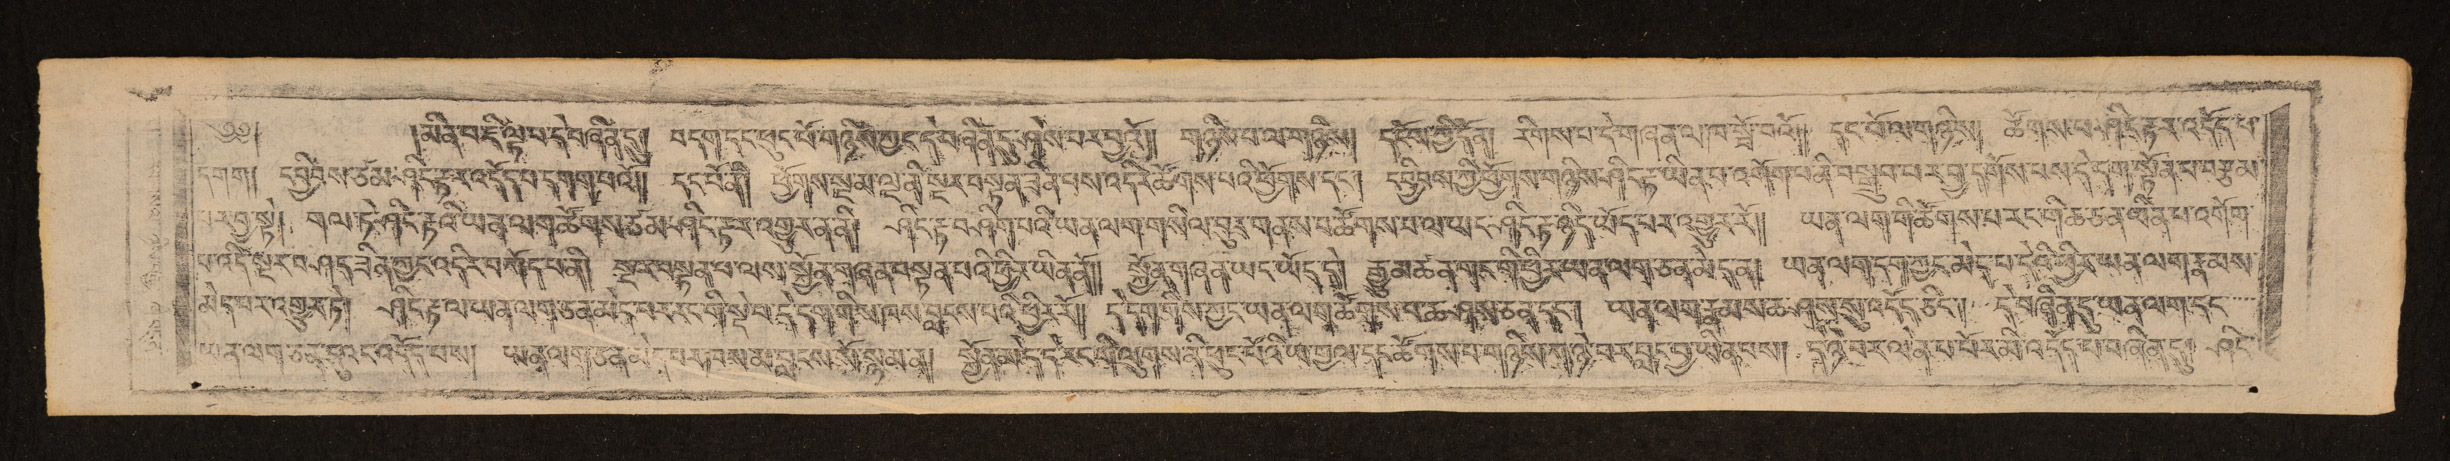༄༅། །མིན་པ་ཇི་ལྟ་བ་དེ་བཞིན་དུ། བདག་དང་ཕུང་པོ་གཉིས་ཀྱང་དེ་བཞིན་དུ་ཤེས་པར་བྱའོ།། གཉིས་པ་ལ་གཉིས། དངོས་ཀྱི་དོན། རིགས་པ་དེ་གཞན་ལ་ཁ་སྤོ་བའོ།། དང་པོ་ལ་གཉིས། ཚོགས་པ་ཤིང་རྟར་འདོད་པ་
དགག །དབྱིབས་ཙམ་ཤིང་རྟར་འདོད་པ་དགག་པའོ།། དང་པོ་ནི། ཕྱོགས་སྔ་མ་ལྔ་ནི་སྔར་བསྟན་ཟིན་པས་འདིར་ཚོགས་པའི་ཕྱོགས་དང་། དབྱིབས་ཀྱི་ཕྱོགས་གཉིས་ཤིང་རྟ་ཡིན་པ་འགོག་པ་ནི་བསྒྲུབ་པར་བྱ་དགོས་པས་དེ་དག་སྟོན་པ་བརྩམ་
པར་བྱ་སྟེ། གལ་ཏེ་ཤིང་རྟའི་ཡན་ལག་ཚོགས་ཙམ་ཤིང་རྟར་འགྱུར་ན་ནི། ཤིང་རྟ་བཤིག་པའི་ཡན་ལག་གསིལ་བུར་གནས་པ་ཚོགས་པ་ལ་ཡང་ཤིང་རྟ་ཉིད་ཡོད་པར་འགྱུར་རོ།། ཡན་ལག་གི་ཚོགས་པ་རང་གི་ཆ་ཅན་ཡིན་པ་འགོག་
པ་འདི་སྔར་བཤད་ཟིན་ཀྱང་འདིར་བཀོད་པ་ནི། སྔར་བསྟན་པ་ལས་སྐྱོན་གཞན་བསྟན་པའི་ཕྱིར་ཡིན་ནོ།། སྐྱོན་གཞན་ཡང་ཡོད་དེ། རྒྱུ་མཚན་གང་གི་ཕྱིར་ཡན་ལག་ཅན་མེད་ན། ཡན་ལག་དག་ཀྱང་མེད་པ་དེའི་ཕྱིར་ཡན་ལག་རྣམས་
མེད་པར་འགྱུར་ཏེ། ཤིང་རྟ་ལ་ཡན་ལག་ཅན་མེད་པར་རང་གི་སྡེ་པ་དེ་དག་གིས་ཁས་བླངས་པའི་ཕྱིར་རོ།། དེ་དག་གིས་ཀྱང་ཡན་ལག་ཚོགས་པ་ཆ་ཤས་ཅན་དང་། ཡན་ལག་རྣམས་ཆ་ཤས་སུ་འདོད་ཅིང་། དེ་བཞིན་དུ་ཡན་ལག་དང་
ཡན་ལག་ཅན་དུའང་འདོད་པས། ཡན་ལག་ཅན་མེད་པར་ཁས་མ་བླངས་སོ་སྙམ་ན། སྐྱོན་མེད་དེ་རང་གི་ལུགས་ནི་ཕུང་པོའི་ཡ་གྱལ་དང་ཚོགས་པ་གཉིས་ཀ་ཉེ་བར་བླང་བྱ་ཡིན་པས། དེ་ཉེ་བར་ལེན་པ་པོར་མི་འདོད་པ་བཞིན་དུ། ཤིང་